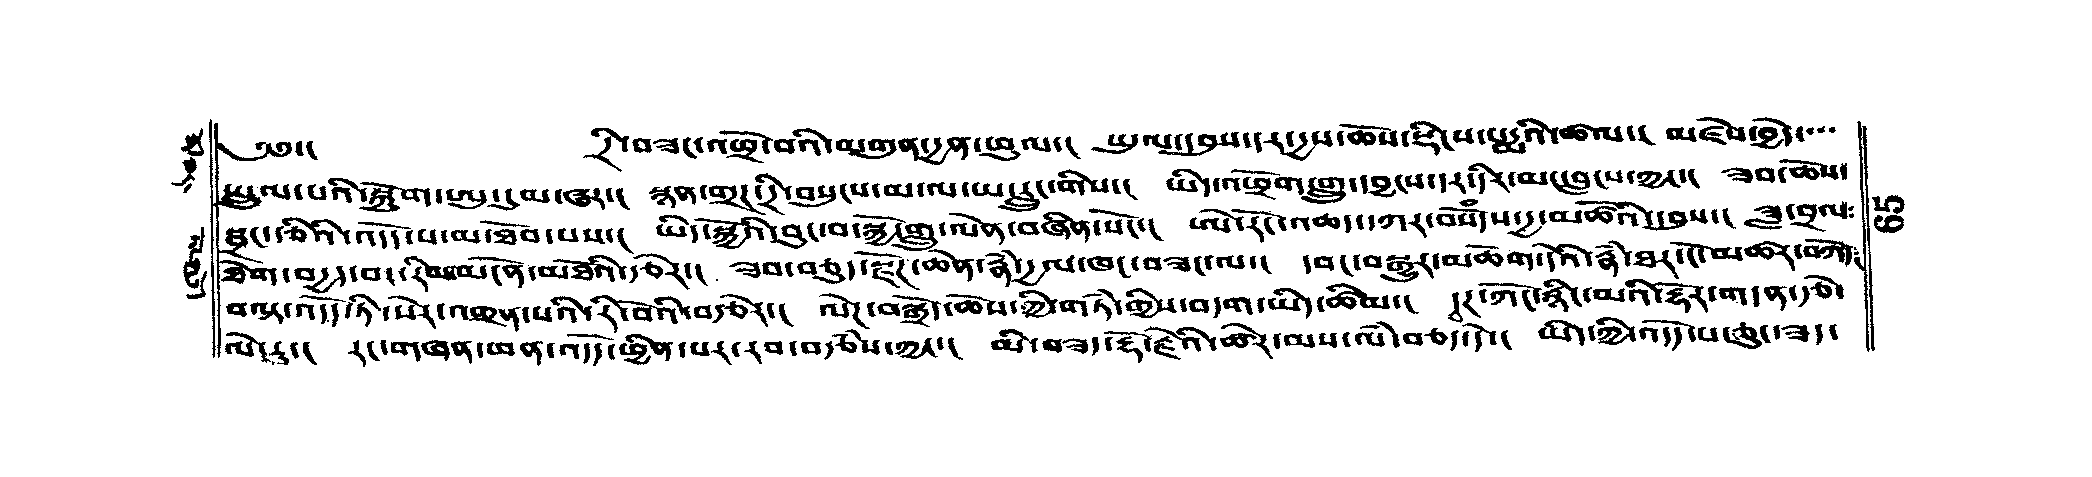དྲི་བཟང་འཕྲོ་བའི་མགུན་རྒྱན་ཕུལ། །ཡུལ་དབུས་དར་རྒྱས་ཆོས་སྡིངས་པདྨའི་ཚལ། །མཛེས་བྱེད་
སྤྲུལ་པའི་སྐུ་མཆོག་ཨུ་དུམ་ཝར། །སྙན་གྲགས་དྲི་བསུང་མ་ལ་ཡ་རླུང་གིས། །ཡིད་འཕྲོག་གླུ་དབྱངས་དར་དིར་མང་བླངས་ཀྱང་། །ཟབ་ཆོས་
སྦྲང་རྩིའི་འདོད་པ་མ་ཐོབ་པས། །ཡིད་སྐྱོའི་བུང་བ་སྐྱོ་གླུ་ལེན་བཞིན་སོང་། །ཨེ་རོང་འཆད་དཀར་བསོད་ནམས་རྒྱ་མཚོའི་དབུས། །ཟླ་བྲལ་
ཐེག་བརྒྱད་བང་རིམ་མངོན་མཐོའི་རྩེར། །ཟབ་བཅུད་རྫོགས་ཆེན་རྣམ་རྒྱལ་ཁང་བཟང་ལ། །དབང་བསྒྱུར་མཆོག་དེའི་རྣམ་ཐར་ངོ་མཚར་བཀོད། །
བལྟ་འདོད་ཏི་སེར་འགྲན་པའི་རི་བོའི་རྩེར། །ལེགས་བསྒྲོད་ཆོས་ཀྱི་གཏམ་གྱིས་བདག་ཡིད་ཚིམ། །དྭགས་ཀོང་རྙིང་མའི་རྡོར་གདན་རྩེ་
ལེ་རུ། །རང་གཞན་ཕན་འདོད་ཕྱིན་པར་རབ་རྩམས་ཀྱང་། །མི་བཟད་རྡོ་རྗེའི་ཚེར་མས་ལམ་བཅད་དེ། །ཡིད་ཀྱི་འདོད་པ་ཅུང་ཟད་